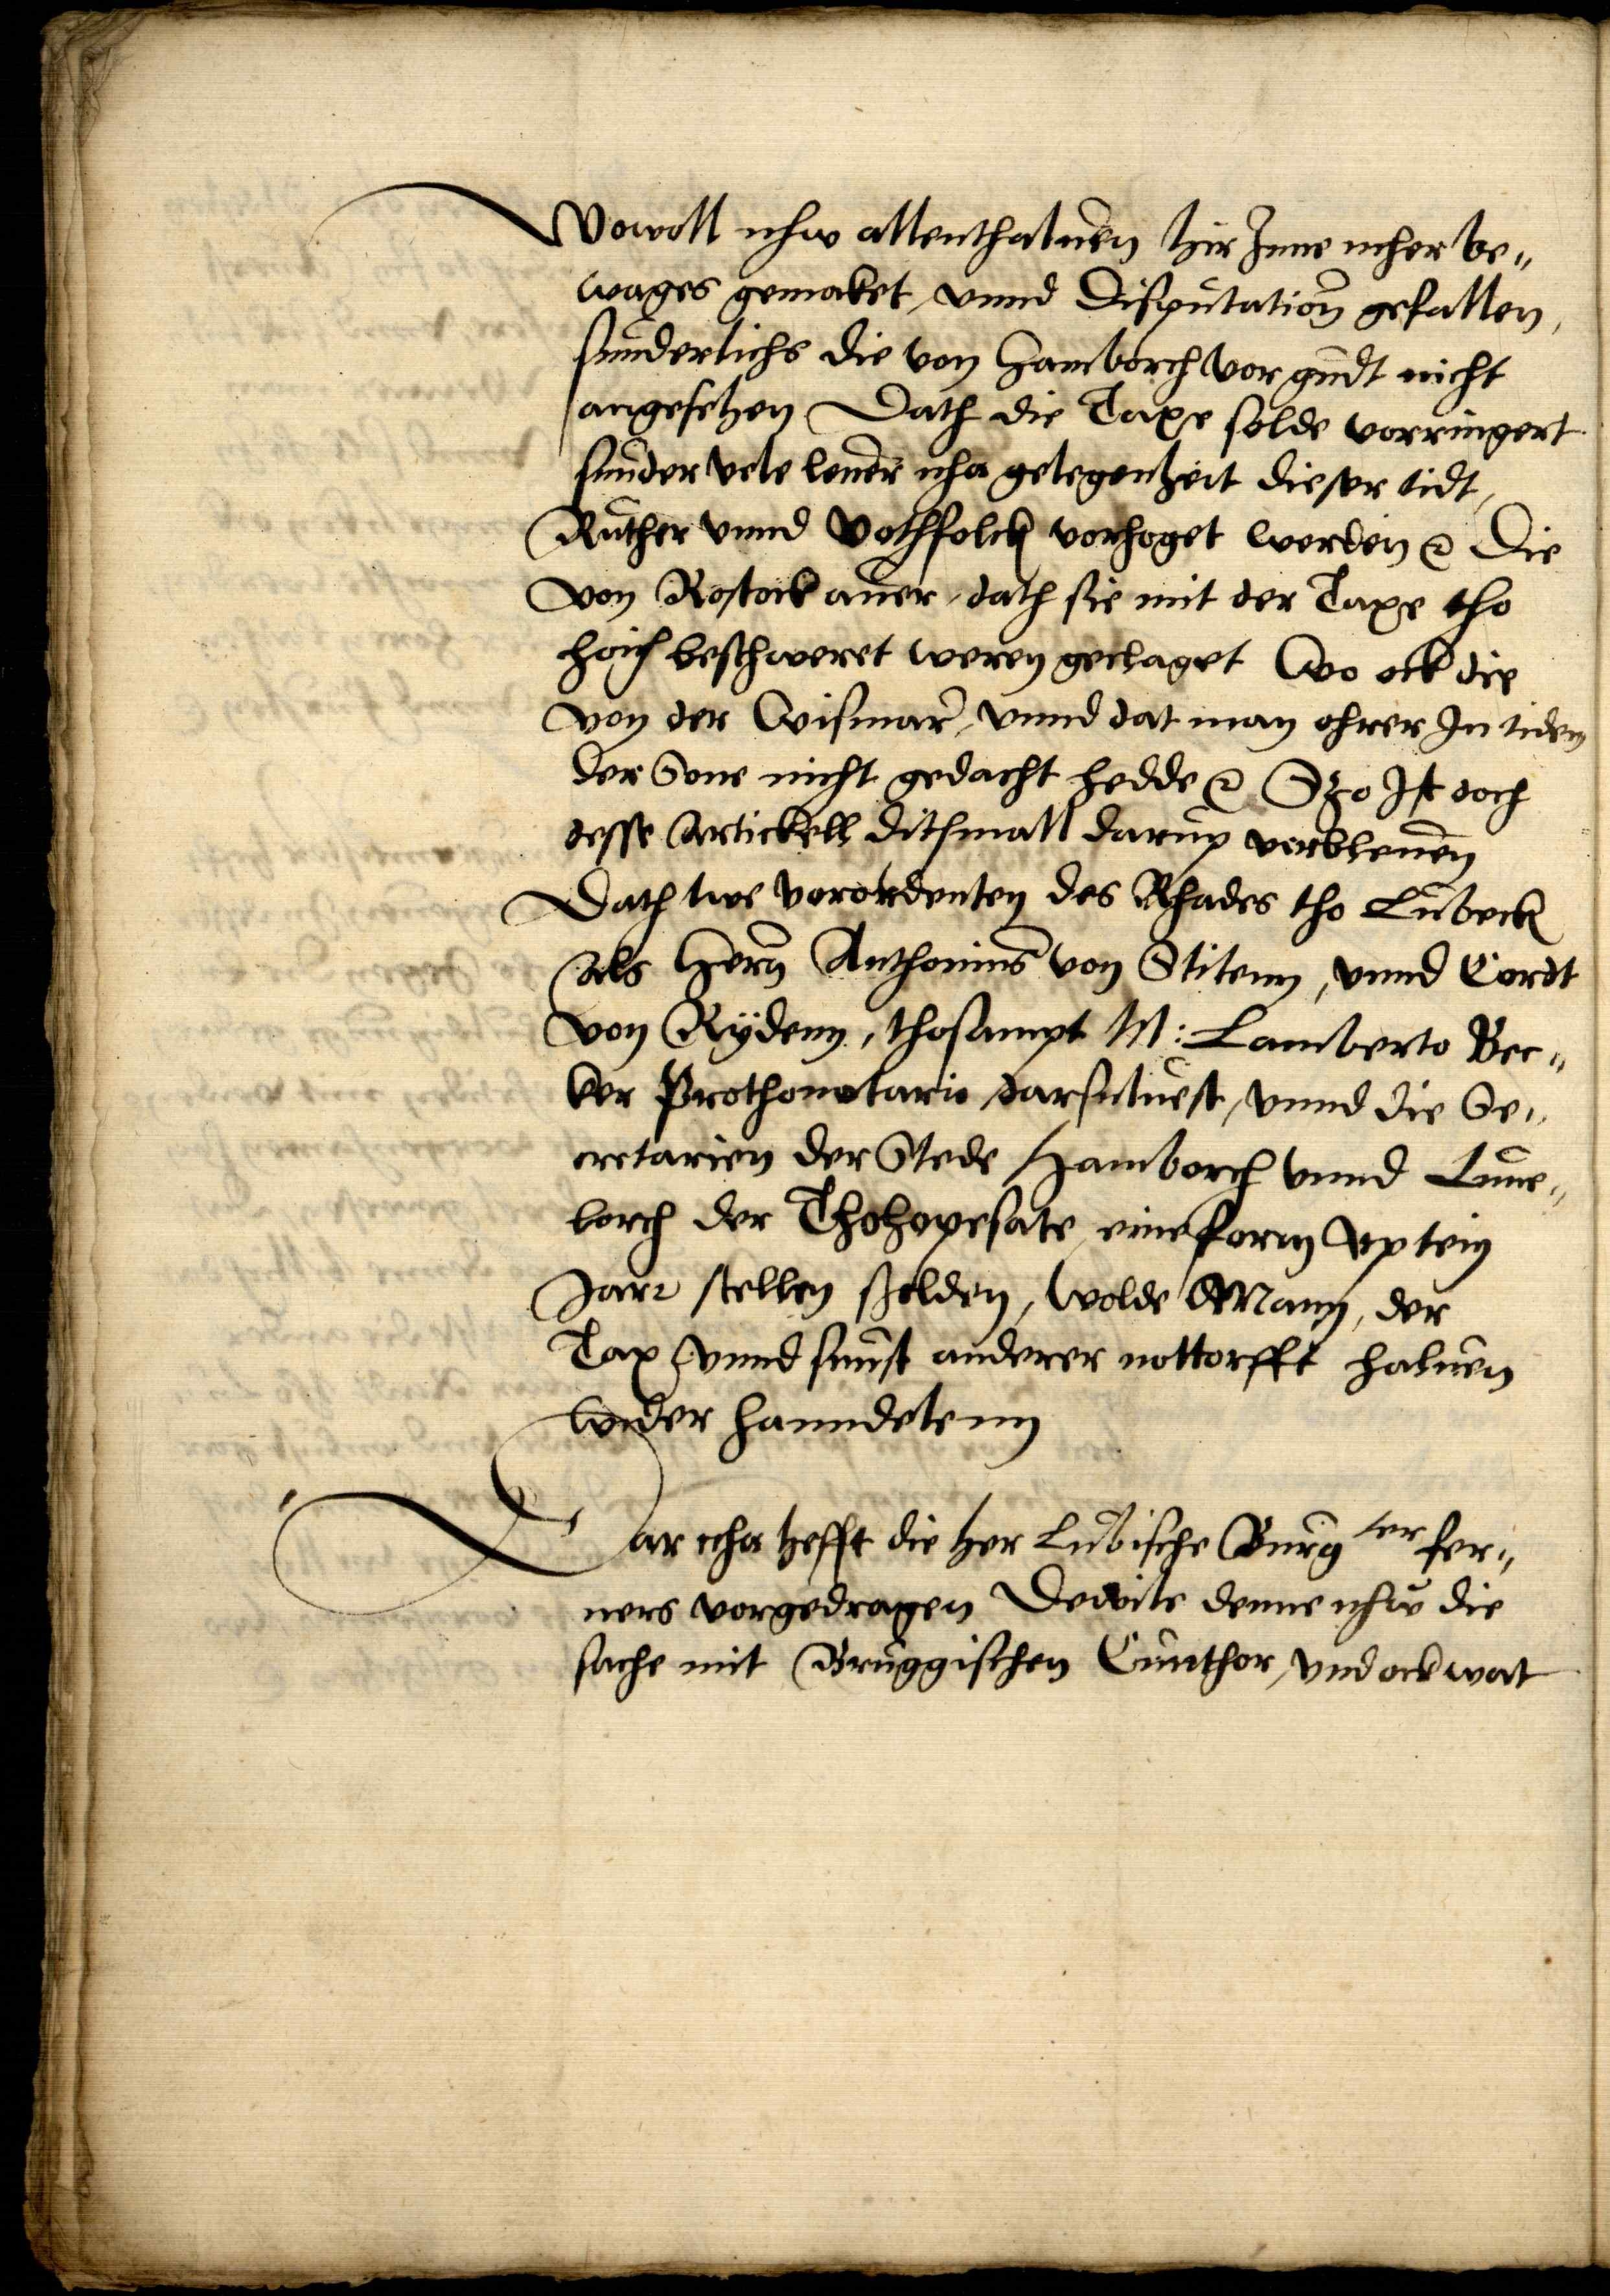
Wowoll nhw allenthaluen Hir Inne mher be¬
wages gemaket, vnnd disputation gefallen,
sunderlichs die von Hamborch vor gudt nicht
angesehen Dath die Taxe solde vorringert
sunder vele leuer nha gelegenheit dieser tidt,
Ruther vnnd Vothfolck vorhoget werden etc Die
von Rostock auer, dath sie mit der Taxe tho
hoich beschweret weren geclaget Wo ock die
von der Wismar, vnnd dat man ohrer In tiden
der Sone nicht gedacht hedde etc Szo Ist doch
desse artickell dithmall darup verbleuen
dath twe vorordenten des Rhades tho Lubeck
als hern Anthonius von Stitenn, vnnd Cordt
von Rijdenn, thosampt M: Lamberto Bec¬
ker Prothonotario darsuluest, vnnd die Se¬
cretarien der Stede Hamborch vnnd Lune¬
borch der Thohopesate, eine form vp tein
Iarr stellen ßolden, wolde Mann, der
Tax vnnd sunst anderer nottorfft haluen
wider hanndelenn
Dar nha hefft die Her Lubische Burgermeister fer¬
ners vorgedragen Dewile denne nhw die
sache mit Bruggischen Cunthor, vnd ock wat
